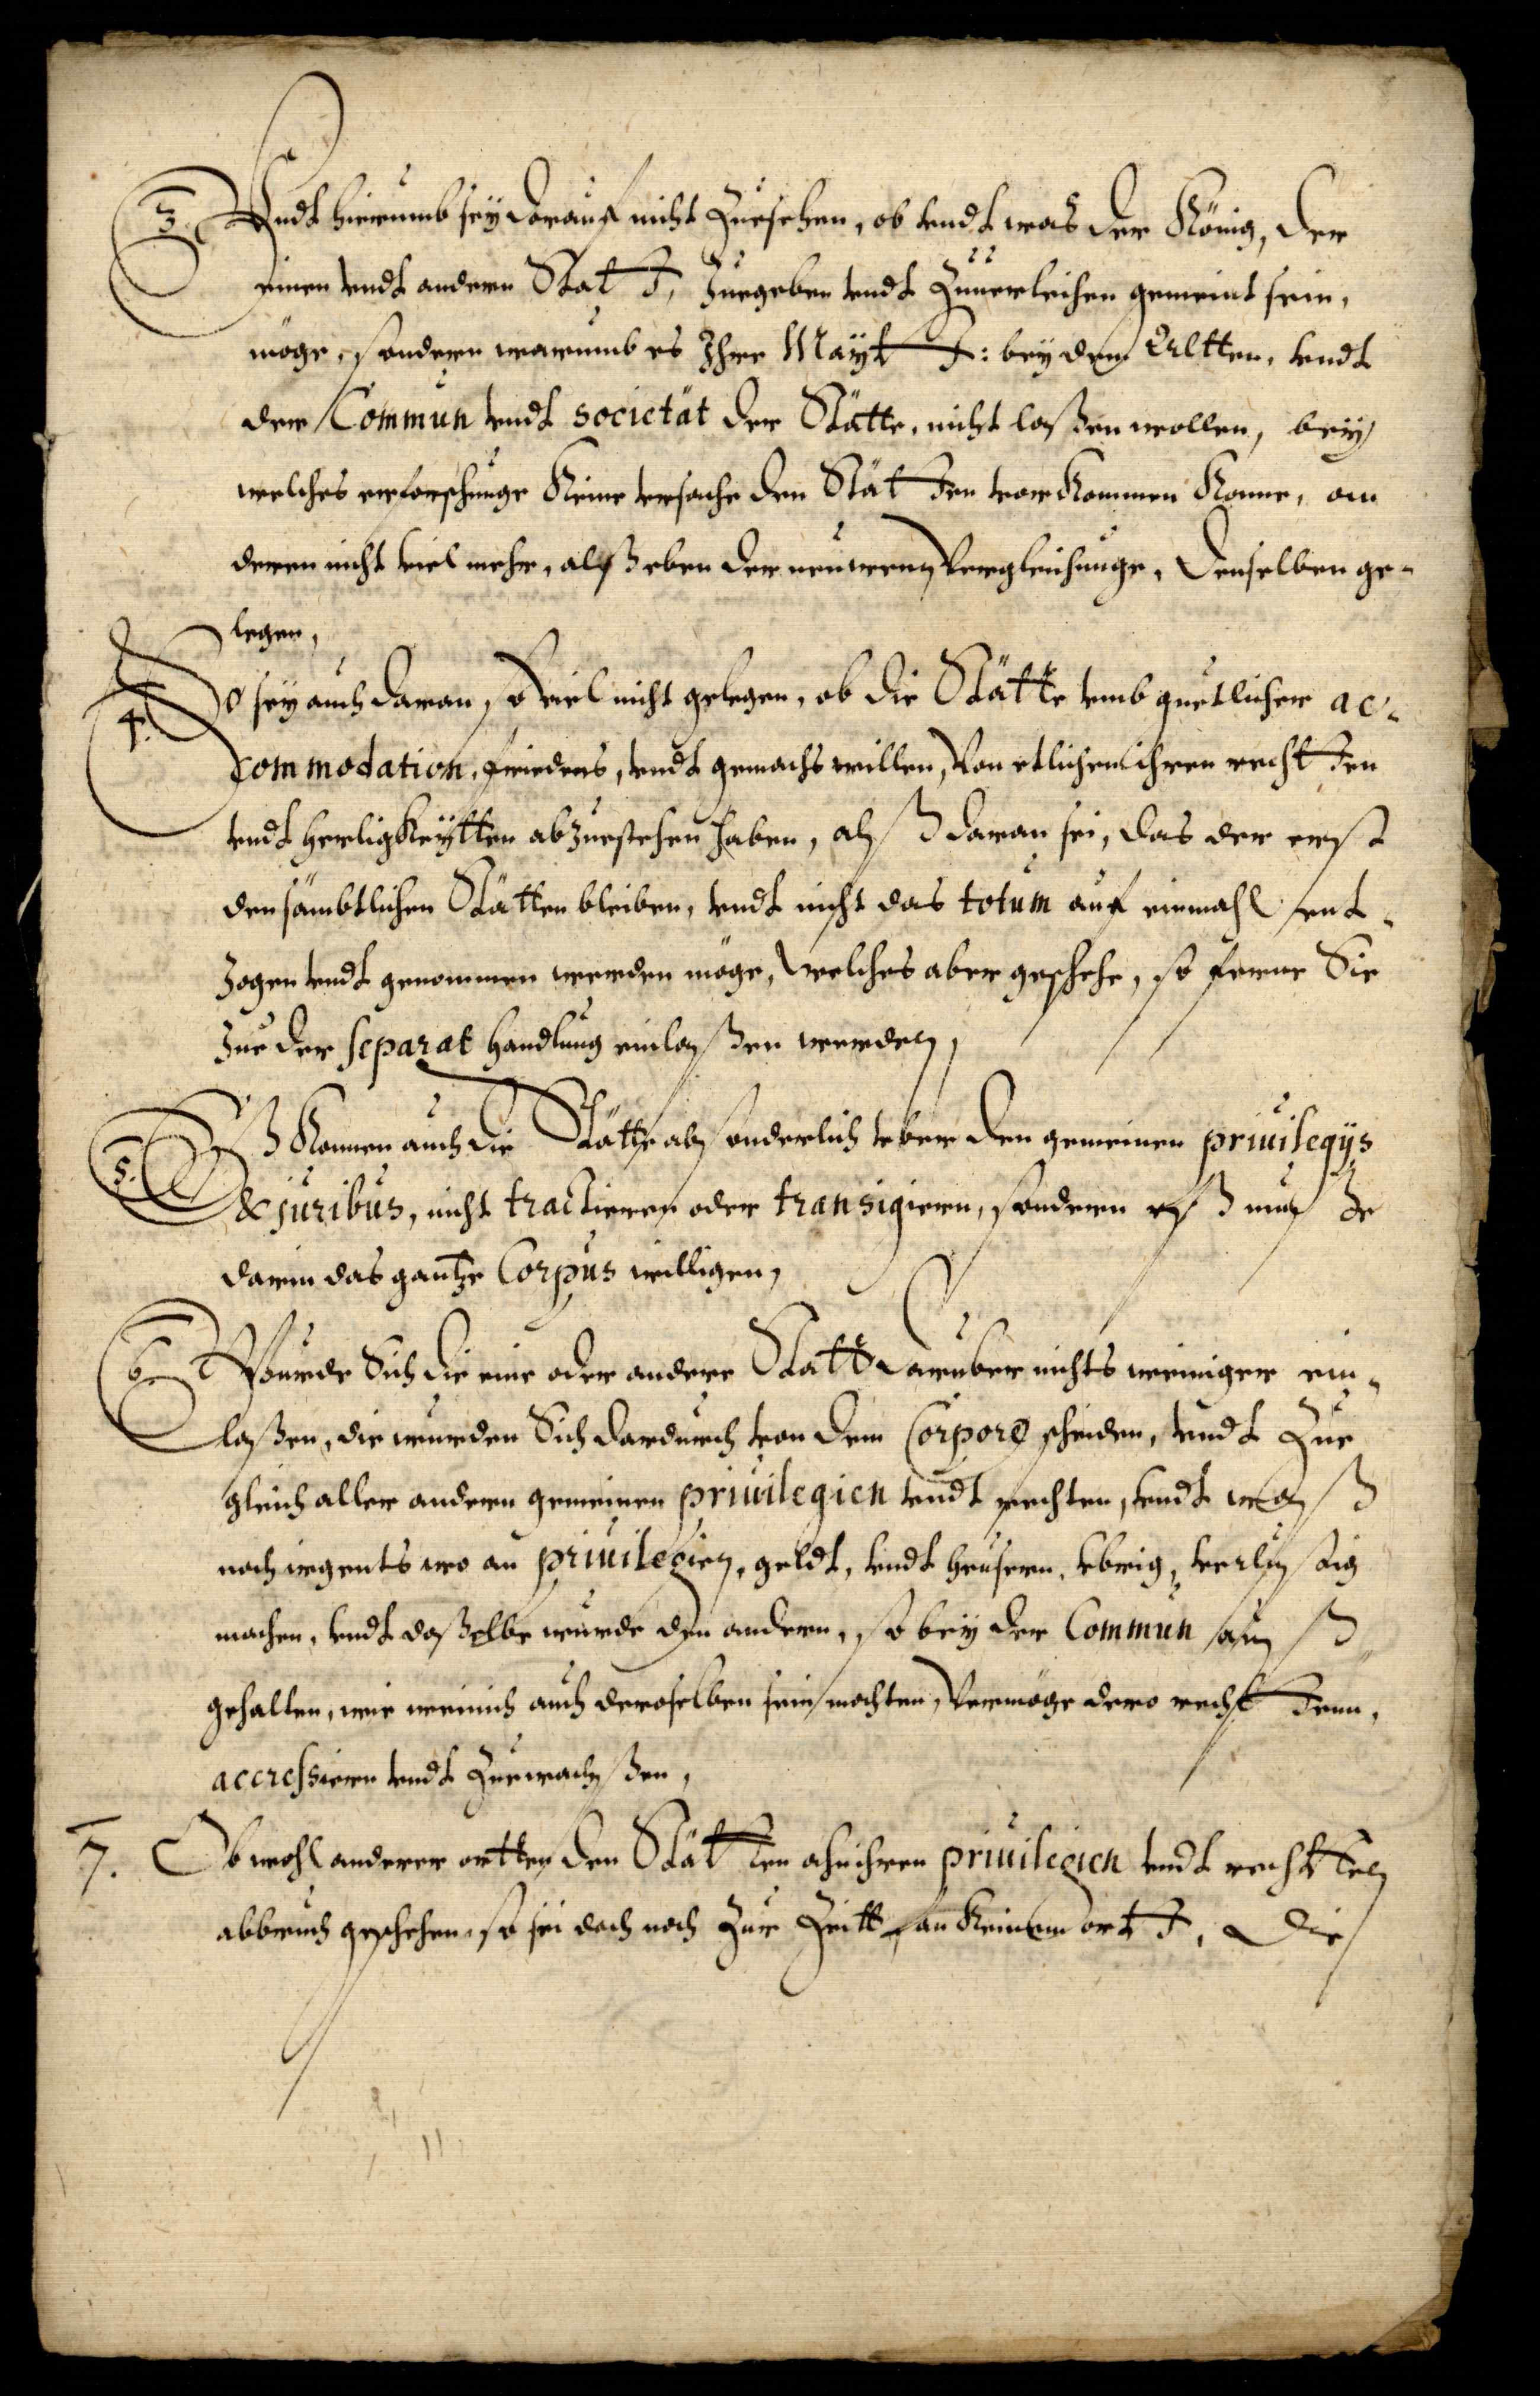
Vndt hierumb seij darauf nicht zuesehen, ob vndt was der König, der
einen vndt andern Statt, zuegeben vndt Zuuerleihen gemeint sein,
möge, sondern warumb es Ihre Maijtt: beij dem Altten, vndt
der Commun vndt societät der Stätte, nicht laßen wollen, beij
welches erforschunge Keine vrsache den Stätten vorkommen konne, an
deren nicht viel mehr, alß eben der neuwenn Vergleichunge, denselben ge¬
legen,
So seij auch daran, so viel nicht gelegen, ob die Stätte vmb guetlicher ac¬
commodation, friedens, vndt gemachs willen, Von etlichen ihren rechtten
vndt herligkeijtten abzuestehen haben, alß daran sei, das der erst
den sämbtlichen Stätten bleiben, vndt nicht das totum auf einmahl ent¬
zogen vndt genommen werden möge, welches aber geschehe, so ferner Sie
zue der Separat handlung einlaßen werden,
Eß konnen auch die Stätte absonderlch vber den gemeinen priuilegijs
& juribus, nicht tractieren oder transigiern, sondern eß muße
darin das gantze Corpus willigen,
Wurde Sich die eine oder andere Statt Daruber nichts weiniger ein¬
laßen, die wurden Sich dardurch von dem Corpore scheiden, vndt Zue
gleich aller andern gemeinen priuilegien vndt rechten, vndt waß
noch irgents wo an priuilegien, geldt, vndt heusern, vbrig, verlustig
machen, vndt daßelbe wurde den andern, so beij der Commun auß¬
gehalten, wie weinich auch deroselben sein mochten, Vermöge dero rechttenn,
accressiern vndt Zuewachßen,
Obwohl anderer ortten den Stätten ahn ihren priuilegien vndt rechtten
abbruch geschehen, so sei doch noch Zur Zeitt, an keinem ortt, die
3
4.
5.
6.
7.
